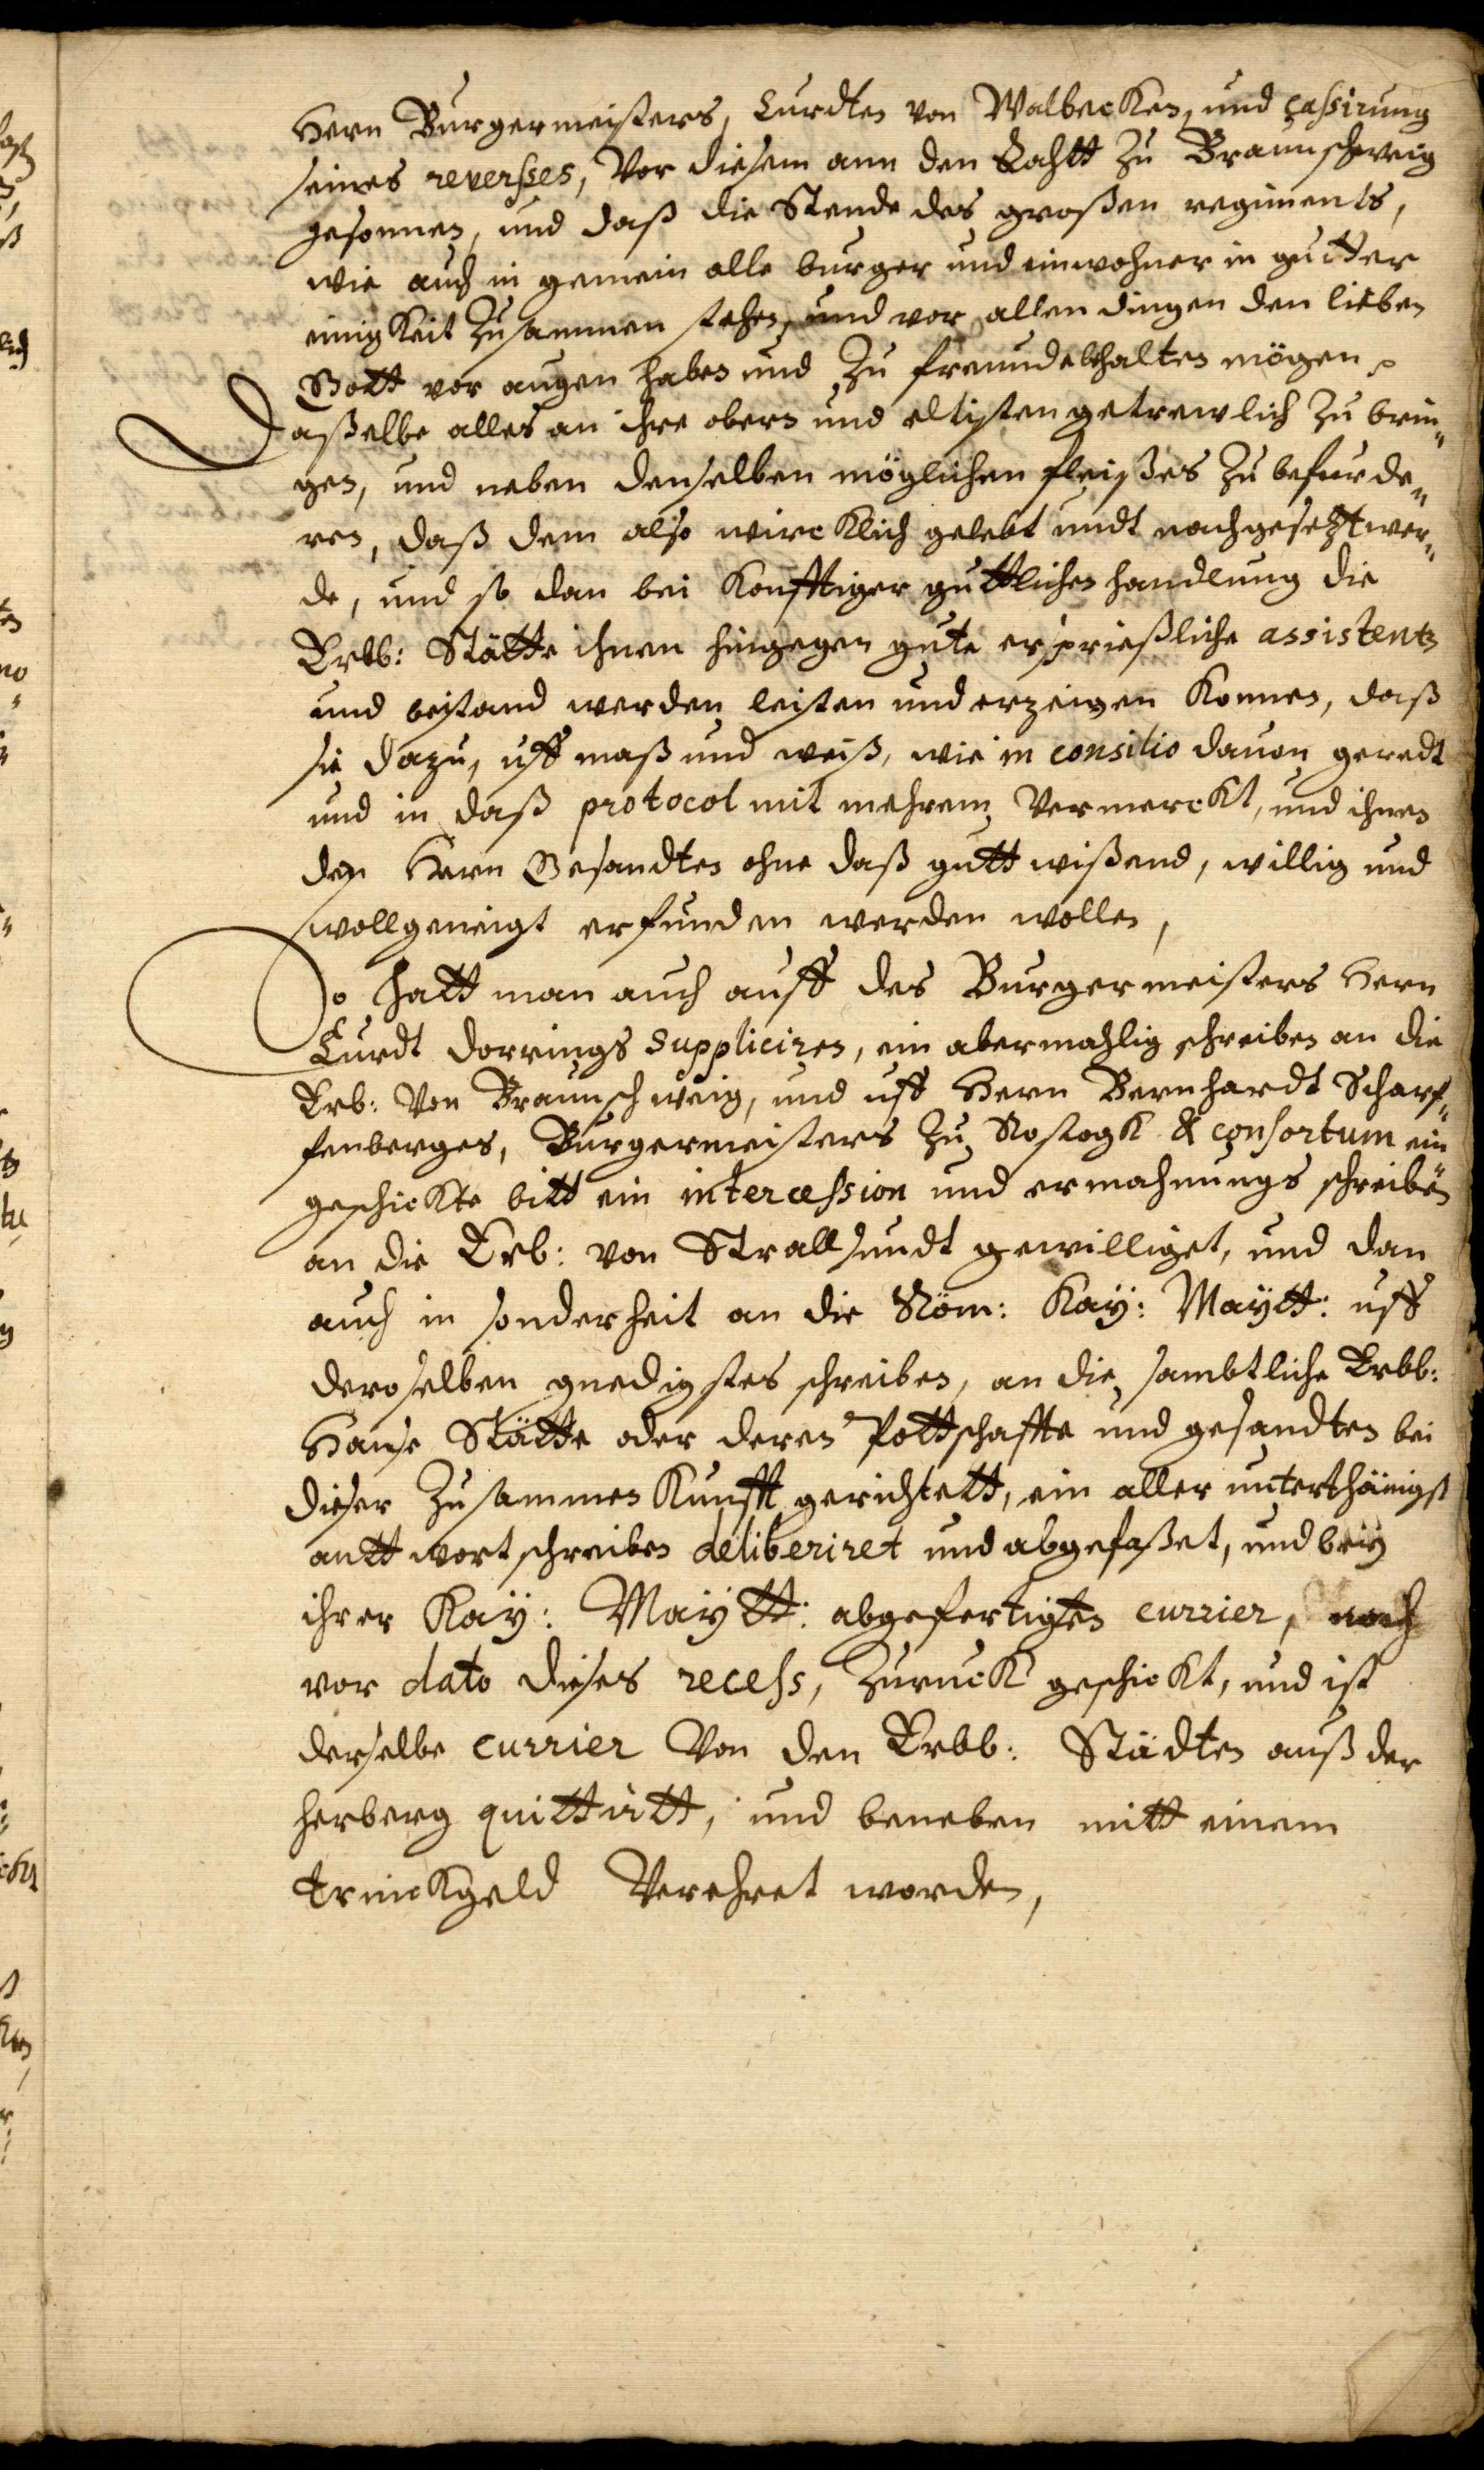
Hern Burgermeisters, Curdten von Walbecken, vnd cassirung
seines reversses, Vor diesem ann den Rahtt zu Braunschweig
gesonnen, und daß die Stende des großen regiments,
wie auch in gemein alle burger und einwohner in gutter
einigkeit zusammen stehen, und vor allen dingen den lieben
Gott vor augen haben und zu freunde behalten mögen p
Daßelbe alles an ihre obern und eltisten getrewlich Zu brin¬
gen, und neben denselben möglichen fleißes Zu befurde¬
ren, daß dem also wircklich gelebt undt nachgesetzt wer¬
de, und so dan bei konfftiger guttlichen handlung die
Erbb: Stätte ihnen hingegen gute ersprießliche assistentz
und beistand werden leisten und erzeigen konnen, daß
sie dazu, uff maß und weiß, wie in consilio dauon geredt
und in daß protocol mit mehrem vermerckt, und ihnen
den Hern Gesandten ohne daß gutt wißend, willig und
wollgeneigt erfunden werden wollen,
So hatt man auch auff des Burgermeisters Hern
Curdt Dorrings suppliciren, ein abermahlig schreiben an die
Erb: von Braunschweig, und uff Hern Bernhardt Scharf¬
fenberges, Burgermeisters zu Rostogk & consortum ein¬
geschickte bitt ein intercession und ermahnungs schreiben
an die Erb: von Strallsundt gewilliget, und dan
auch in sonderheit an die Röm: Kaij: Maijtt: uff
deroselben gnedigstes schreiben, an die sambtliche Erbb:
Hanse Stätte oder deren Pottschaffte und gesandten bei
dieser Zusammen kunfft gerichtett, ein aller unterthänigst
anttwortschreiben deliberiret und abgefaßet, vnd beij
ihrer Kaij: Maijtt: abgefertigten currier, noch
vor dato dieses recess, zuruck geschickt, und ist
derselbe currier von den Erbb: Städten auß der
herberg quittirtt, und beneben mitt einem
trinckgeld Verehret worden,
